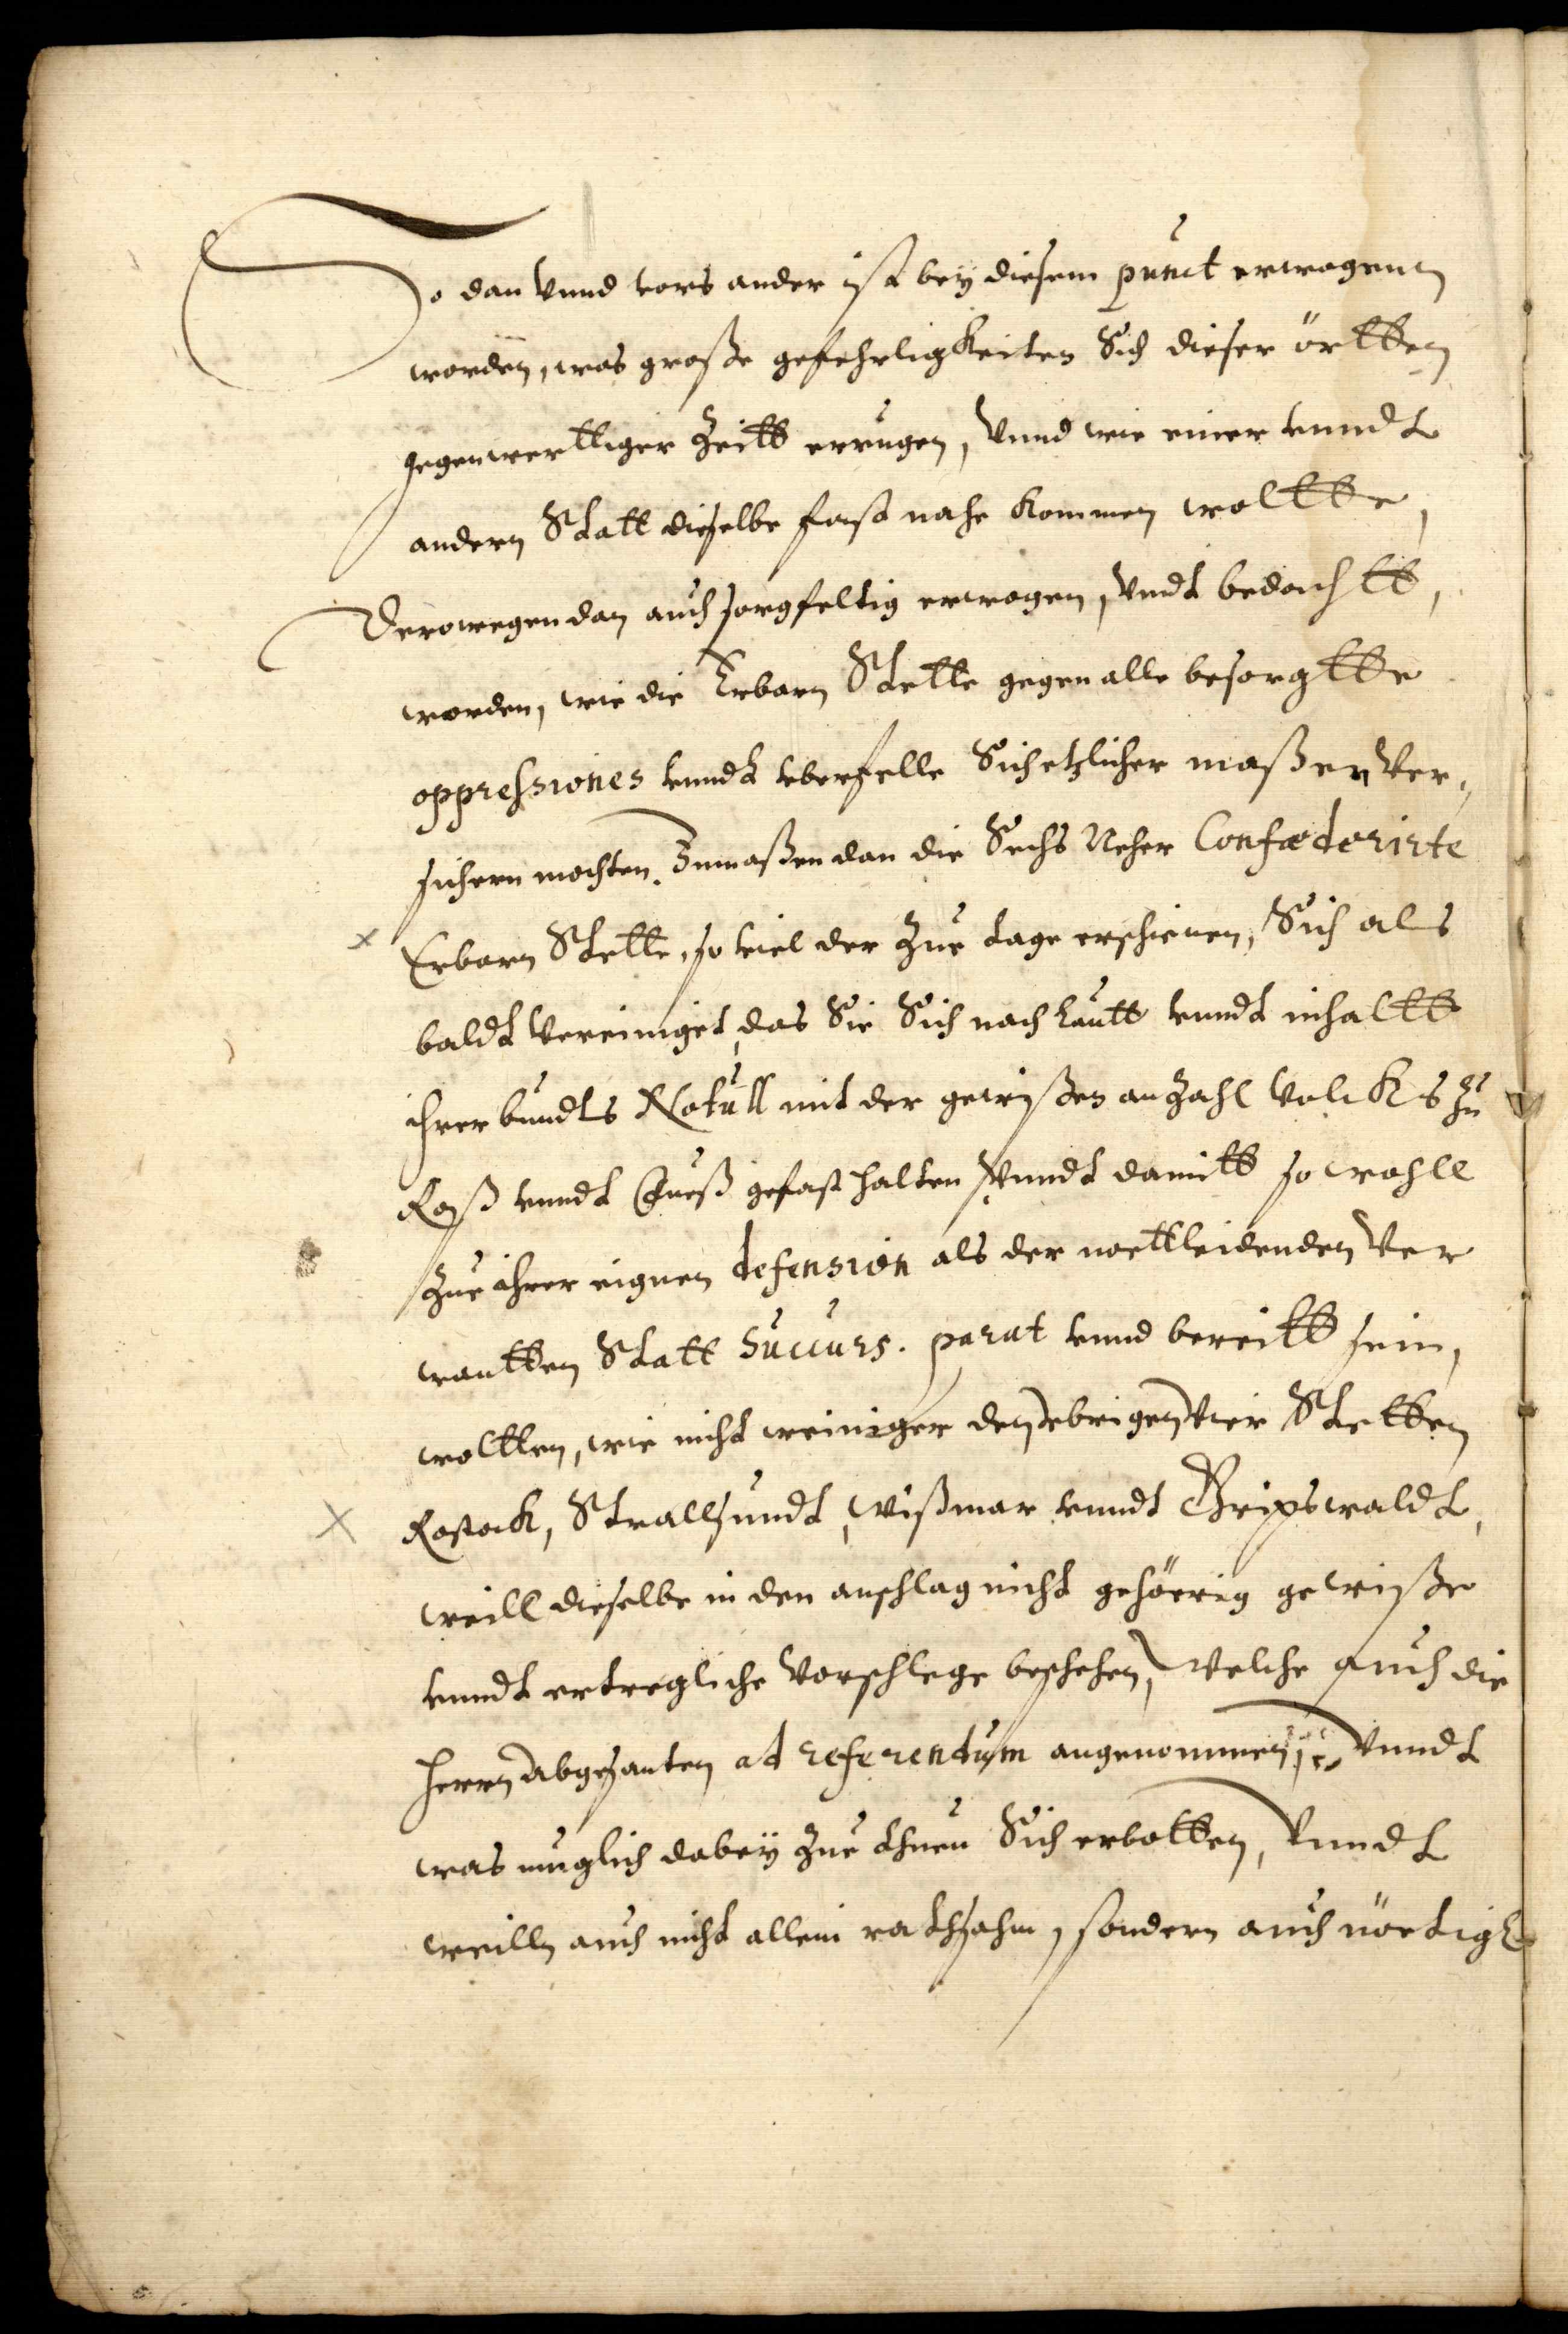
So dan Vnnd vors ander ist beij diesem punct erwogenn
worden, was große gefehrligkeiten Sich dieser örtten
gegenwerttiger zeitt errugen, Vnnd wie einer vnndt
andern Statt dieselbe fast nahe kommen woltte,
Derowegen dan auch sorgfeltig erwogen, Vndt bedachtt,
worden, wie die Erbarn Stette gegen alle besorgtte
oppressiones Vnndt vberfelle Sich etzlicher maßen Ver¬
sichern mochten. Inmaßen dan die Sechs Neher Confoederirte
Erbarn Stette, so viel der zue tage erschienen, Sich als
baldt Vereiniget das Sie Sich nach lautt vnndt inhaltt
ihrer bundts Notull mit der gewißen anzahl Volcks zu
Roß vnndt Fueß gefast halten Vnndt damitt so wohll
zue ihrer eignen defension als der noettleidenden Ver
wantten Statt Succurs. parat Vnnd bereitt sein,
woltten, wie nicht weiniger den vbrigen Vier Stetten
Rostock, Strallsundt, Wißmar vnndt Gripswaldt,
weill dieselbe in den anschlag nicht gehöerig gewiße
vnndt ertregliche Vorschlege beschehen, Welche auch die
herrn Abgesanten ad referendum angenommen, Vnndt
was muglich dabeij zue thuen Sich erbotten, Vnndt
weilln auch nicht allein rathsahm, sondern auch nöetigh
